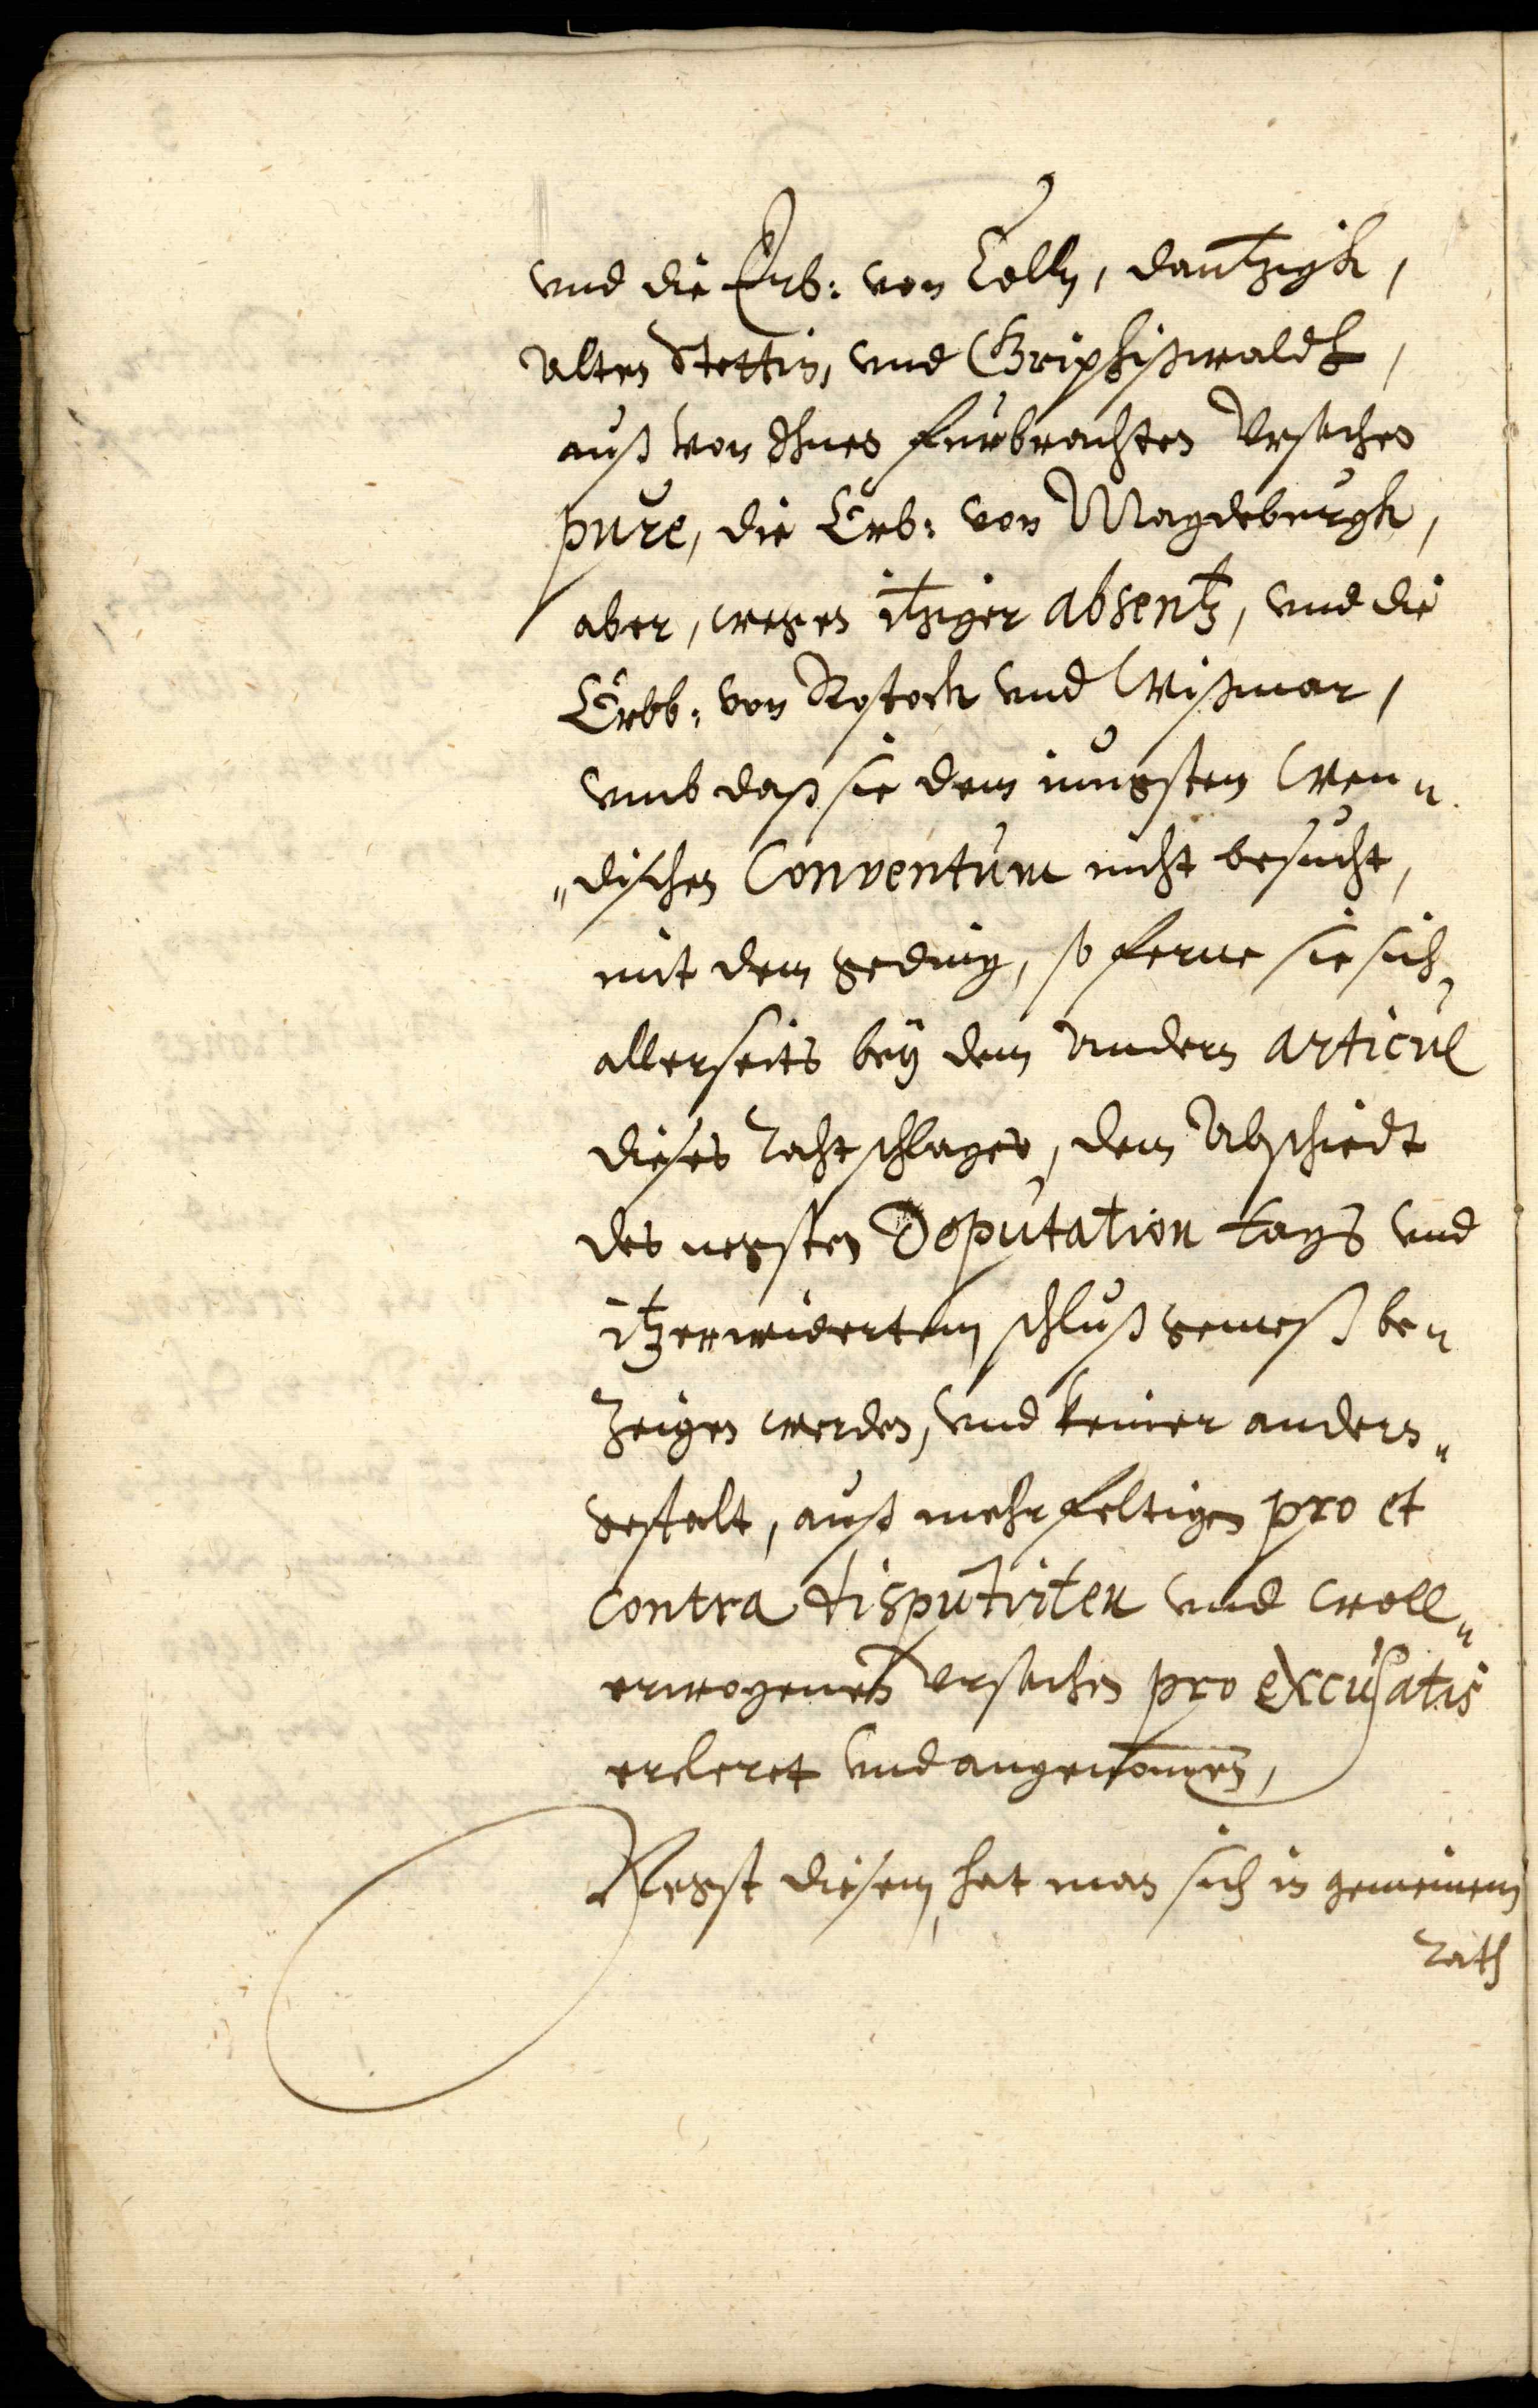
vnd die Erb: von Colln, dantzigk,
Alten Stettin, vnd Griphißwaldt,
auß von Ihnen furbrachten Vrsachen
pure, die Erb: von Magdeburgk,
aber, wegen itziger absentz, vnd die
Erbb: von Rostock vnd Wißmar,
vmb daß sie dem iungsten Wen¬
dischen Conventum nicht besucht,
mit dem geding, so ferne sie sich
allerseits beij dem andern articul
dieses Rahtschlages, dem Abschiedt
des negsten Deputation tags vnd
itzerwidertem schluß gemeß be¬
zeigen werden, vnd keiner andern¬
gestalt, auß mehrfeltigen pro et
contra disputirten vnd woll¬
erwogenen Vrsachen pro excusatis
ercleret vnd angenomen,
Negst diesem, hat man sich in gemeinem
rath
